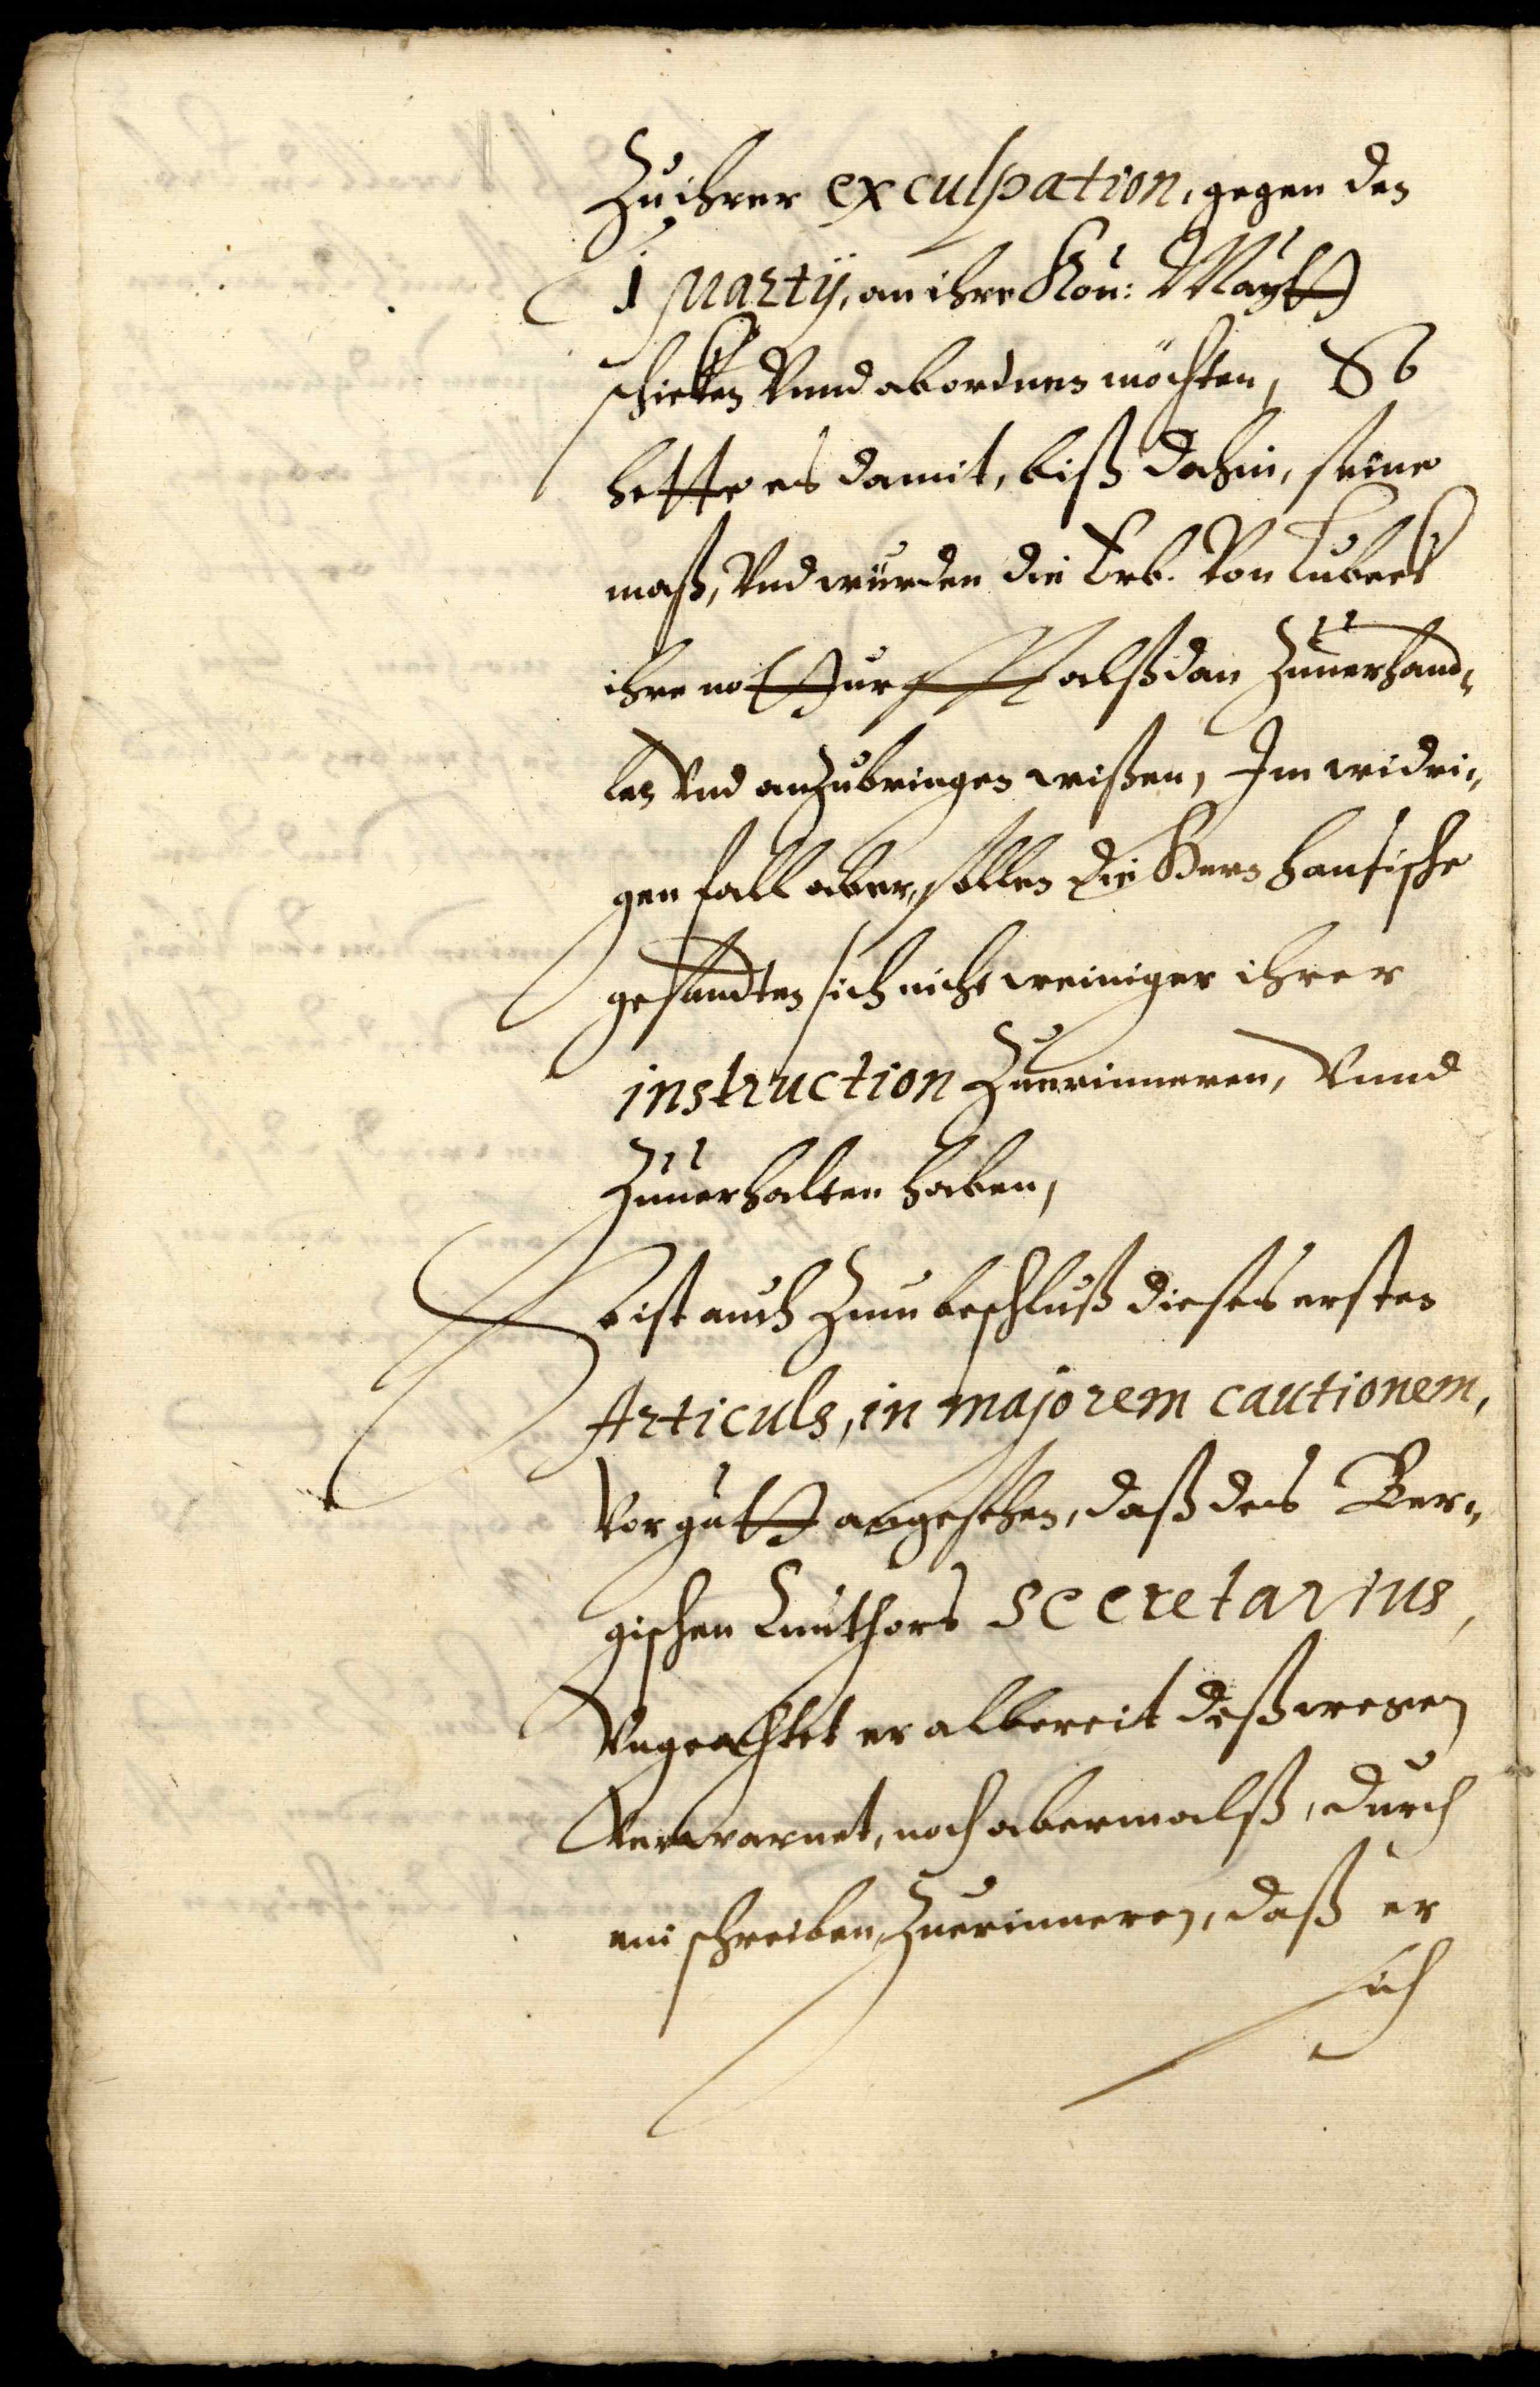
zu ihrer exculpation, gegen den
1 martij, an ihre Kon: Maytt
schicken Vnnd abordenen möchten, So
hette es damit, biß dahin, seine
maß, Vnd würden die Erb. Von Lubeck
ihre notturfft alsdan zuuerhand¬
len Vnd anzubringen wißen, Jm widri¬
gen fall aber, sollen die Hern Hansische
gesandten sich nicht weiniger ihrer
instruction Zuerinneren, Vnnd
Zuuerhalten haben,
So ist zum beschluß dieses ersten
Articuls, in majorem cautionem,
Vor gutt angesehen, daß des Ber¬
gischen Cunthors secretarius,
Vngeachtet er albereit deßwegen
Verwarnet, noch abermalß, durch
ein schreiben, zuerinneren, daß er
sich
